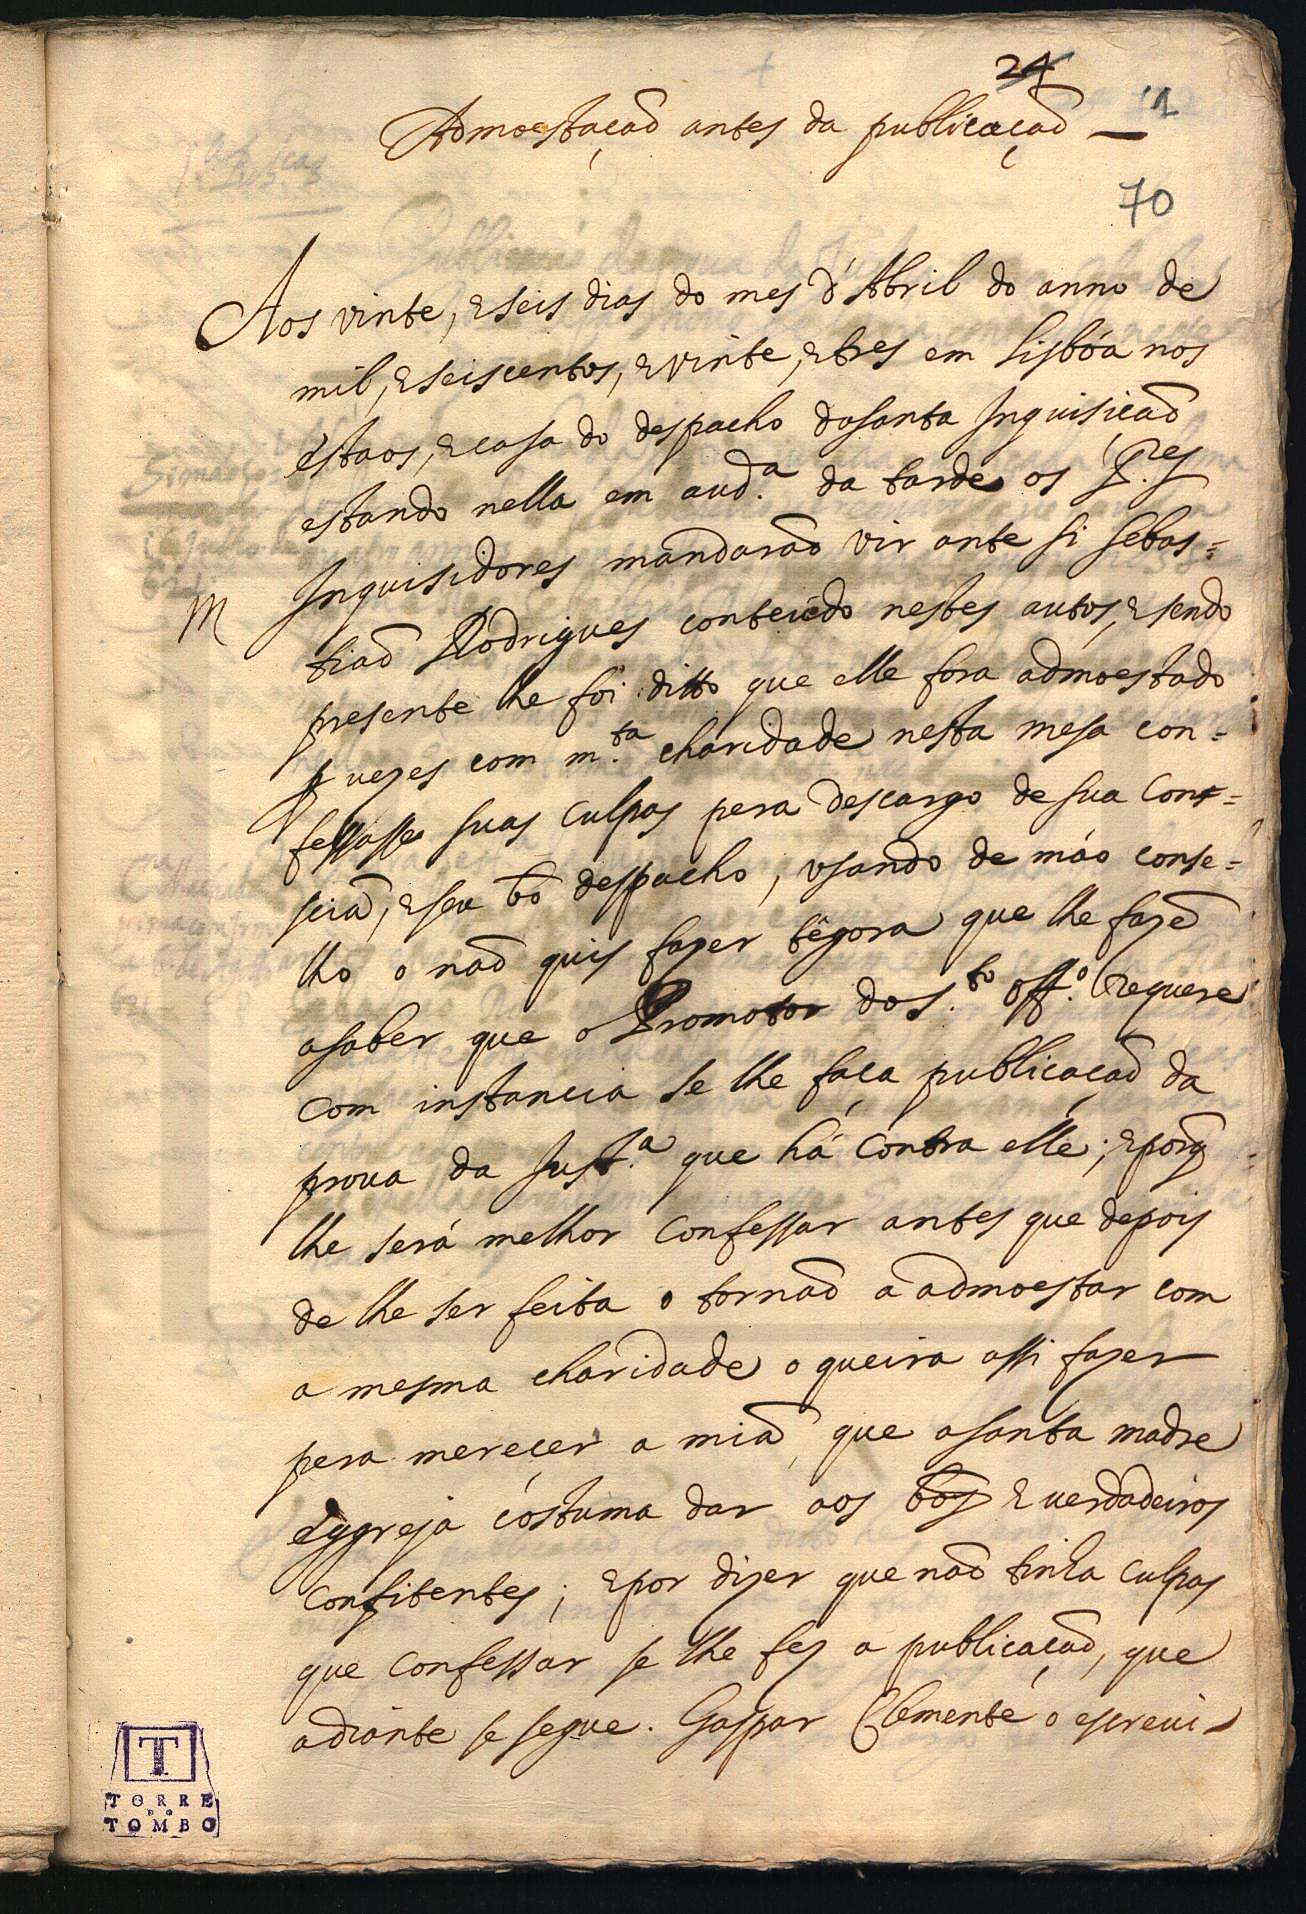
Admoestaçaõ antes da publicaçaõ
Aos vinte, E seis dias do mes d'Abril do anno de
mil, E seiscentos, E vinte, E tres em Lisboa nos
estaos, E casa do despacho da santa Jnquisiçaõ
estando nella em aud.a da tarde os s.res
Jnquisidores mandarão vir ante si sebas
m
tiaõ Rodrigues conteudo nestes autos, E sendo
presente lhe foi ditto que elle fora admoestado
ꝑ uezes com m.ta charidade nesta mesa con
fessasse suas culpas pera descargo de sua cons
sciā, E seu bō despacho, vsando de máo conse
lho o não quis fazer té gora que lhe fazē
a saber que o Promotor do s.to off.o Requere
com instancia se lhe faça publicaçaõ da
proua da Just.a que há contra elle; E porq̄
lhe será melhor confessar antes que depois
de lhe ser feita o tornão a admoestar com
a mesma charidade o queira assi fazer
pera mereçer a miā, que a santa madre
eggreja costuma dar aos bōs E uerdadeiros
confitentes; E por dizer que não tinha culpas
que confessar se lhe fez a publicação, que
adiante se segue. Gaspar Clemente o escreui
